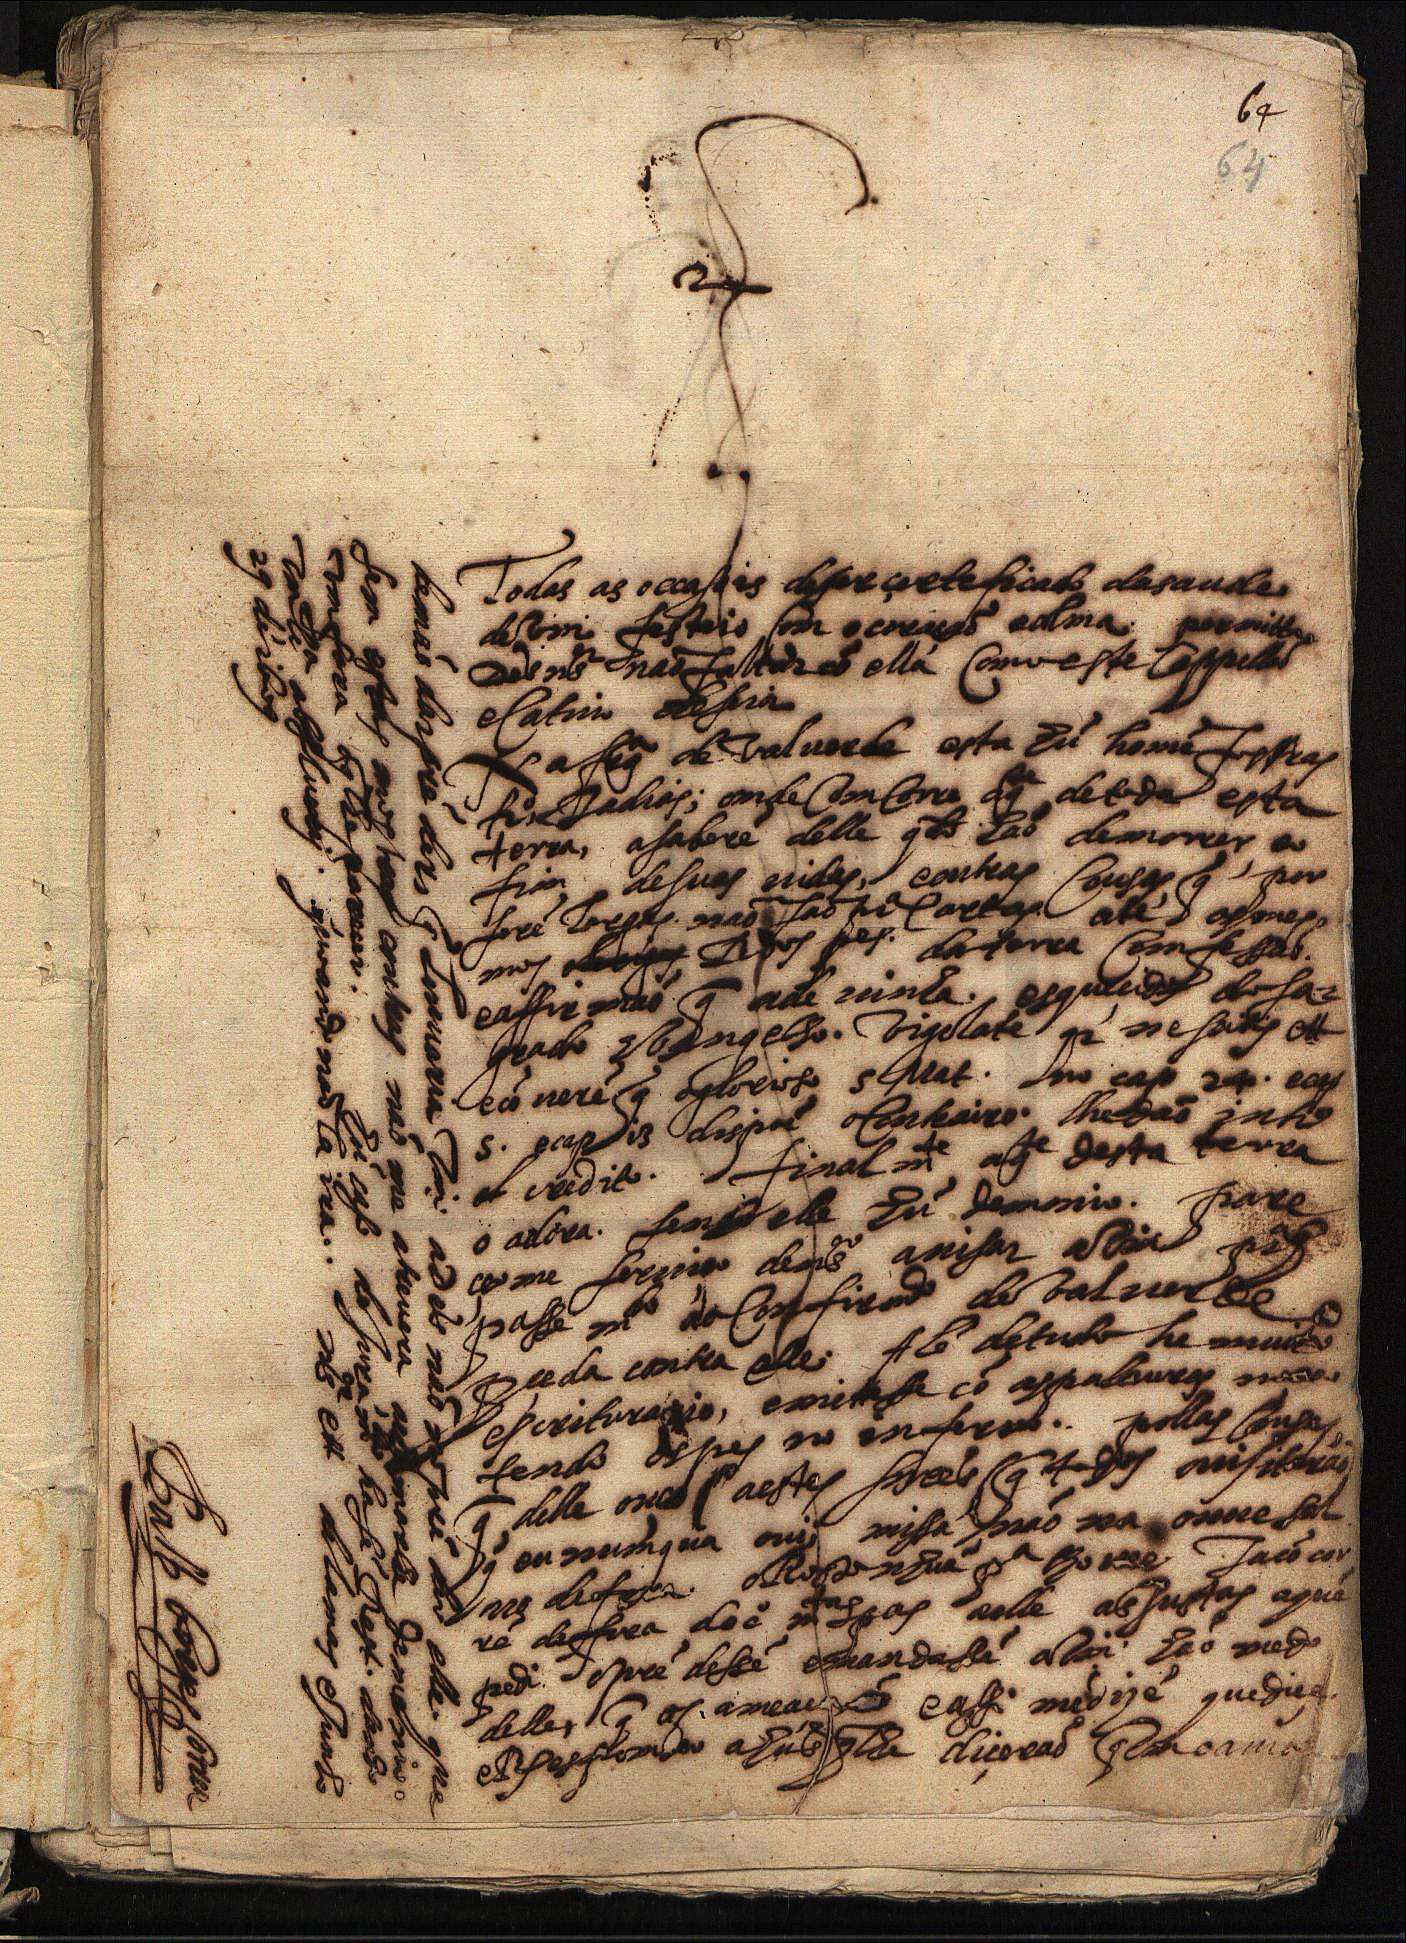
64
Todas as occasois de ser certeficado da saude
de vm festeio Com o coraçaõ e alma. permitta
Dēs n sor naõ faltar cō ella Como este Cappelaõ
e Catiuo deseia
Na frga de Valuerde esta hū homē fostras
tro Ja dias; onde ComCorre a gte de toda esta
terra, a saberē delle q̄do haõ de morrer ao
fim de suas uidas, e outras Cousas, q̄ por
serē largas naõ saõ pra Cartas até os mes
mos clerigos Rdos pes. da terra Comfessaõ.
e affirmaõ q̄ adeuinha. esquecidos do sa
grado Evangelho. Vigelate qi ne seitis ett
e cō uerē q̄ o glorioso s Mat. no cap 24. e cap
5. e cap i3 dispoẽ o Contrairo. lhe daõ intro
et credito. finalmte a gte desta terra
o adora. sendo elle hū demonio. pare
ceo me seruiço de n sor auisar a vm pro q̄
passe mdo ao Confirmdo de valuerde
ꝓceda contra elle. Alē de tudo he muito
escriturario, e mettesse cō as palauras n
tendo os pes no inferno. pollas Cousas
q̄ delle ouço ( a estes snres̄ ) q̄ todos o uisitaraõ
q̄ eu numqua o ui missa naõ na ouue sal
uo de fora. o Rosto nhuā pa lho uee Ja cōcor
rē de fora do co mtas pas a elle as Justas a quē
pedi o prēdessē e mandassē a Vm haõ medo
delle, q̄ os ameaça e assi me dizē que dice
e Rꝭespondeo a hus̄ q̄ lhe diceraõ q̄ mo auiao
